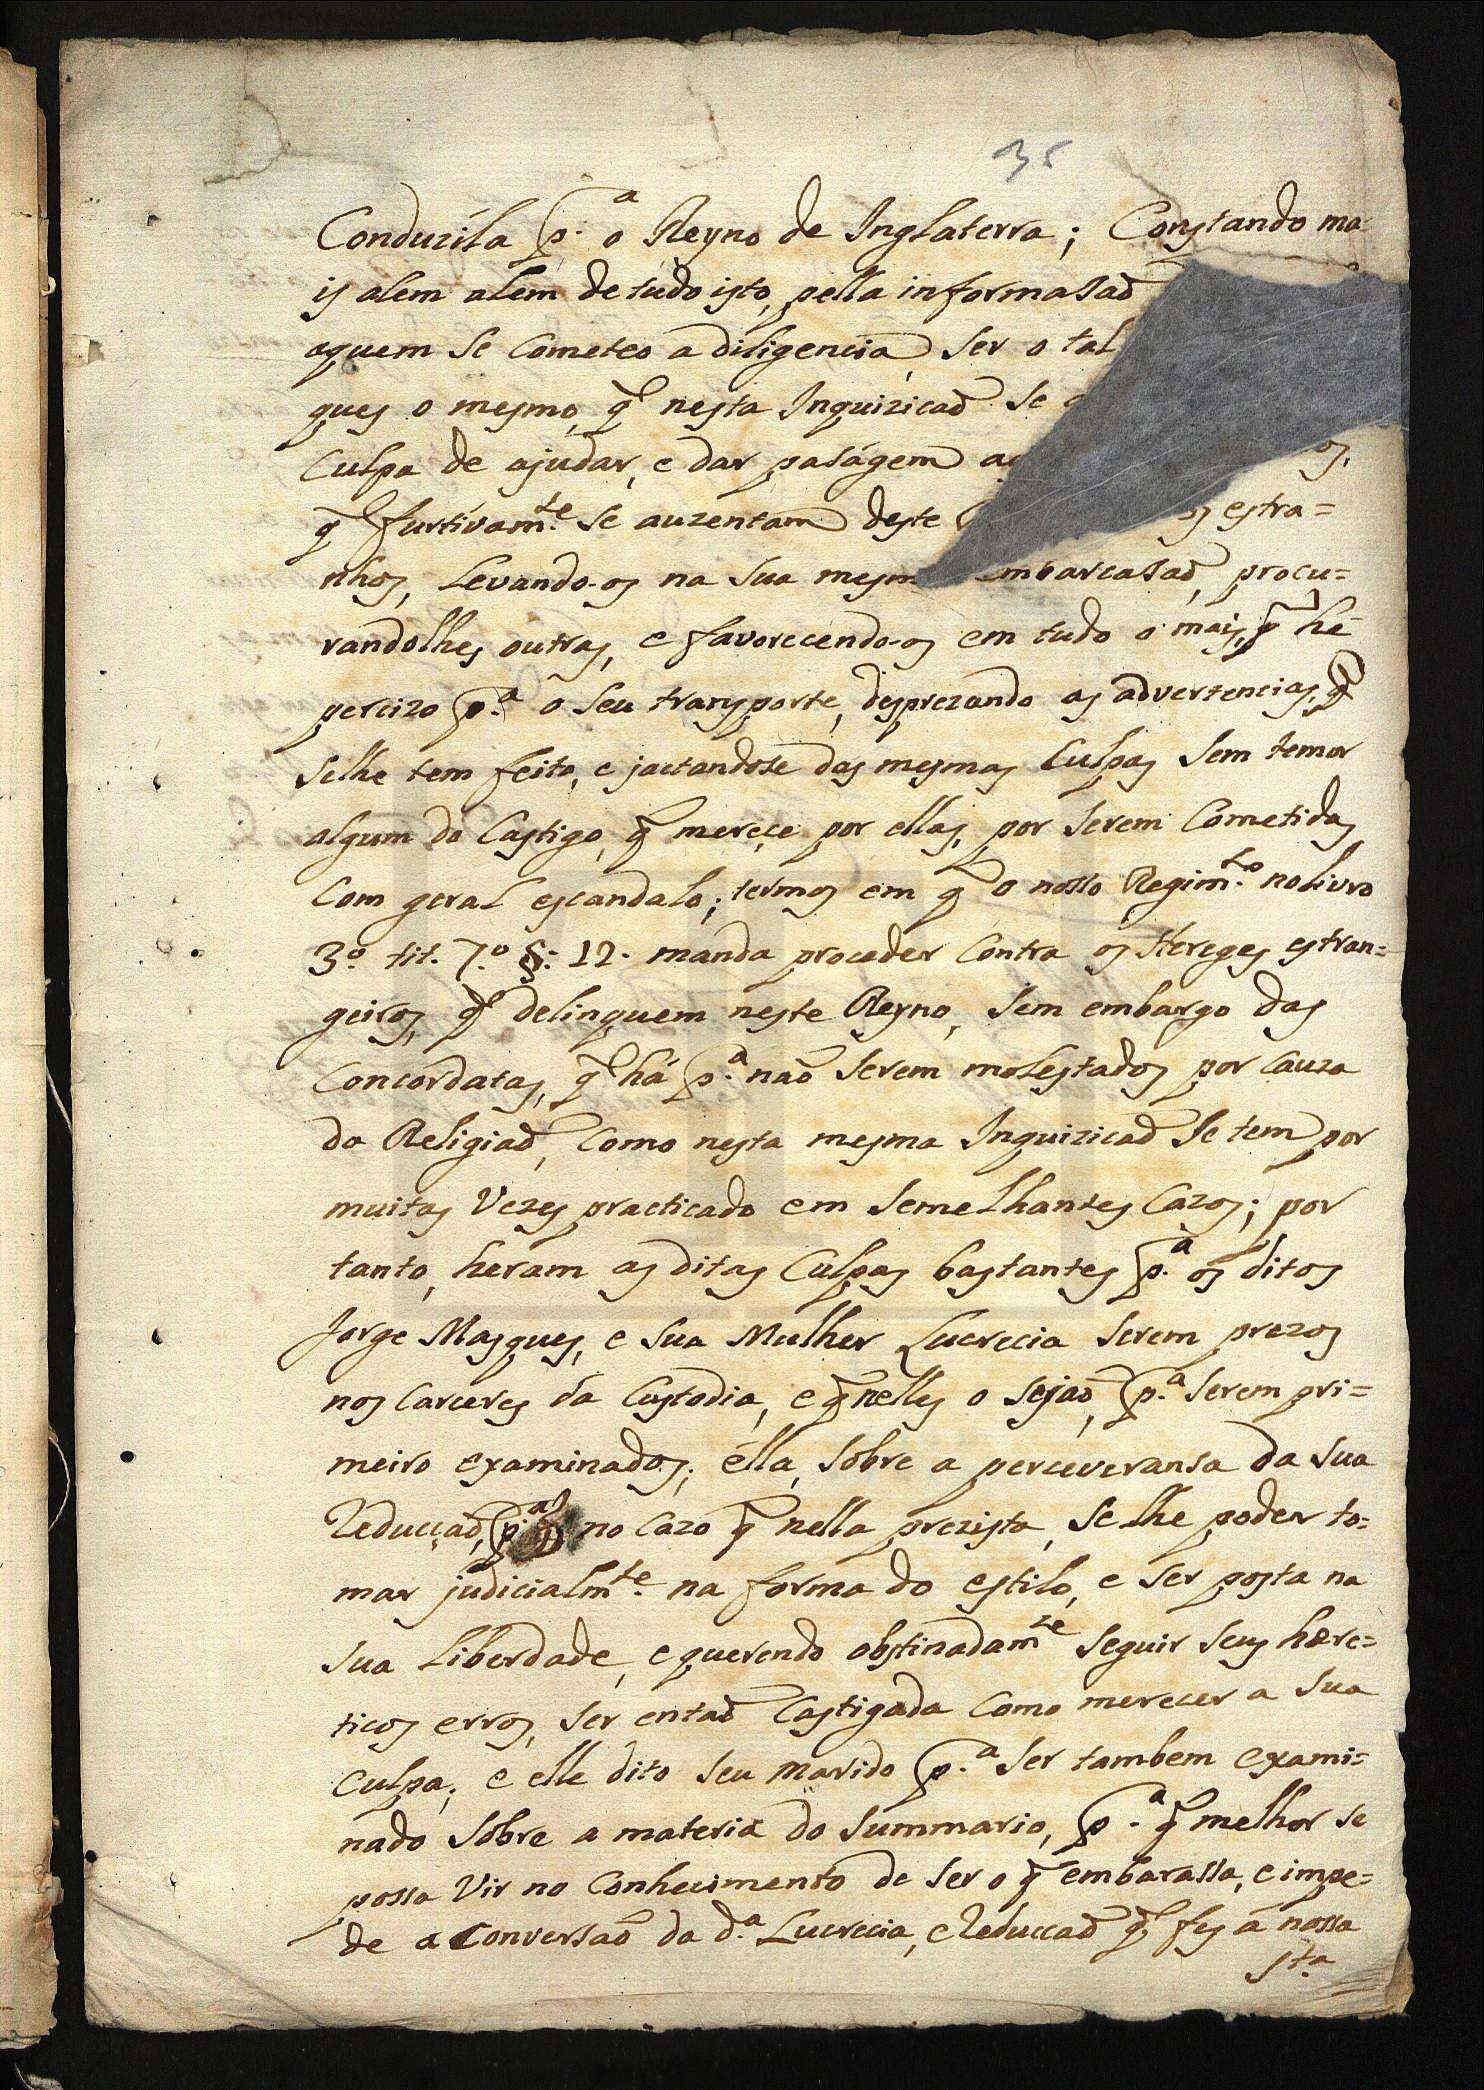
Conduzíla p.a o Reyno de Inglaterra; Constando ma
is alem alem de tudo isto, pella informasaõ
a quem se cometeo a diligencia, ser o tal
ques o mesmo, q̄ nesta Inquizicaõ se
Culpa de ajudar, e dar paságem a
s estra
q̄ furtivam.te se auzentam deste
nhos, Levando-os na sua mesm
mbarcasaõ, procu
randolhes outras, e favorecendo-os em tudo o mais, q̄ he
percizo p.a o seu transporte, desprezando as advertencias, q̄
se lhe tem feito, e jactandose das mesmas Culpas sem temor
algum do Castigo, q̄ mereçe por ellas, por serem Cometidas
Com geral escandalo; termos em q̄ o nosso Regim.to no Livro
3.o tit. 7.o §: 12. manda proceder Contra os Hereges estran
geiros q̄ delinquem neste Reyno, sem embargo das
Concordatas, q̄ há p.a naõ serem molestados por cauza
da Religiaõ, como nesta mesma Inquizicaõ se tem por
muitas Vezes practicado em semelhantes Cazos; por
tanto, heram as ditas Culpas bastantes p.a os ditos
Jorge Masques, e sua mulher Lucrecia serem prezos
nos carceres da Custodia, e q̄ nelles o sejaõ, p.a serem pri
meiro examinados; ella, sobre a perceveransa da sua
Reducçaõ p.a _ no Cazo q̄ nella prezista, se lhe poder to
mar judicialm.te na forma do estilo, e ser posta na
sua Liberdade, e querendo obstinadam.te seguir seus here
ticos erros, ser entaõ castigada como merecer a sua
culpa; e elle dito seu marido p.a ser tambem exami
nado sobre a materia do summario, p.a q̄ melhor se
possa vir no conhecimento de ser o q̄ embarassa, e impe
de a conversaõ da d.a Lucrecia, e Reduccaõ q̄ fes á nossa
st.a
